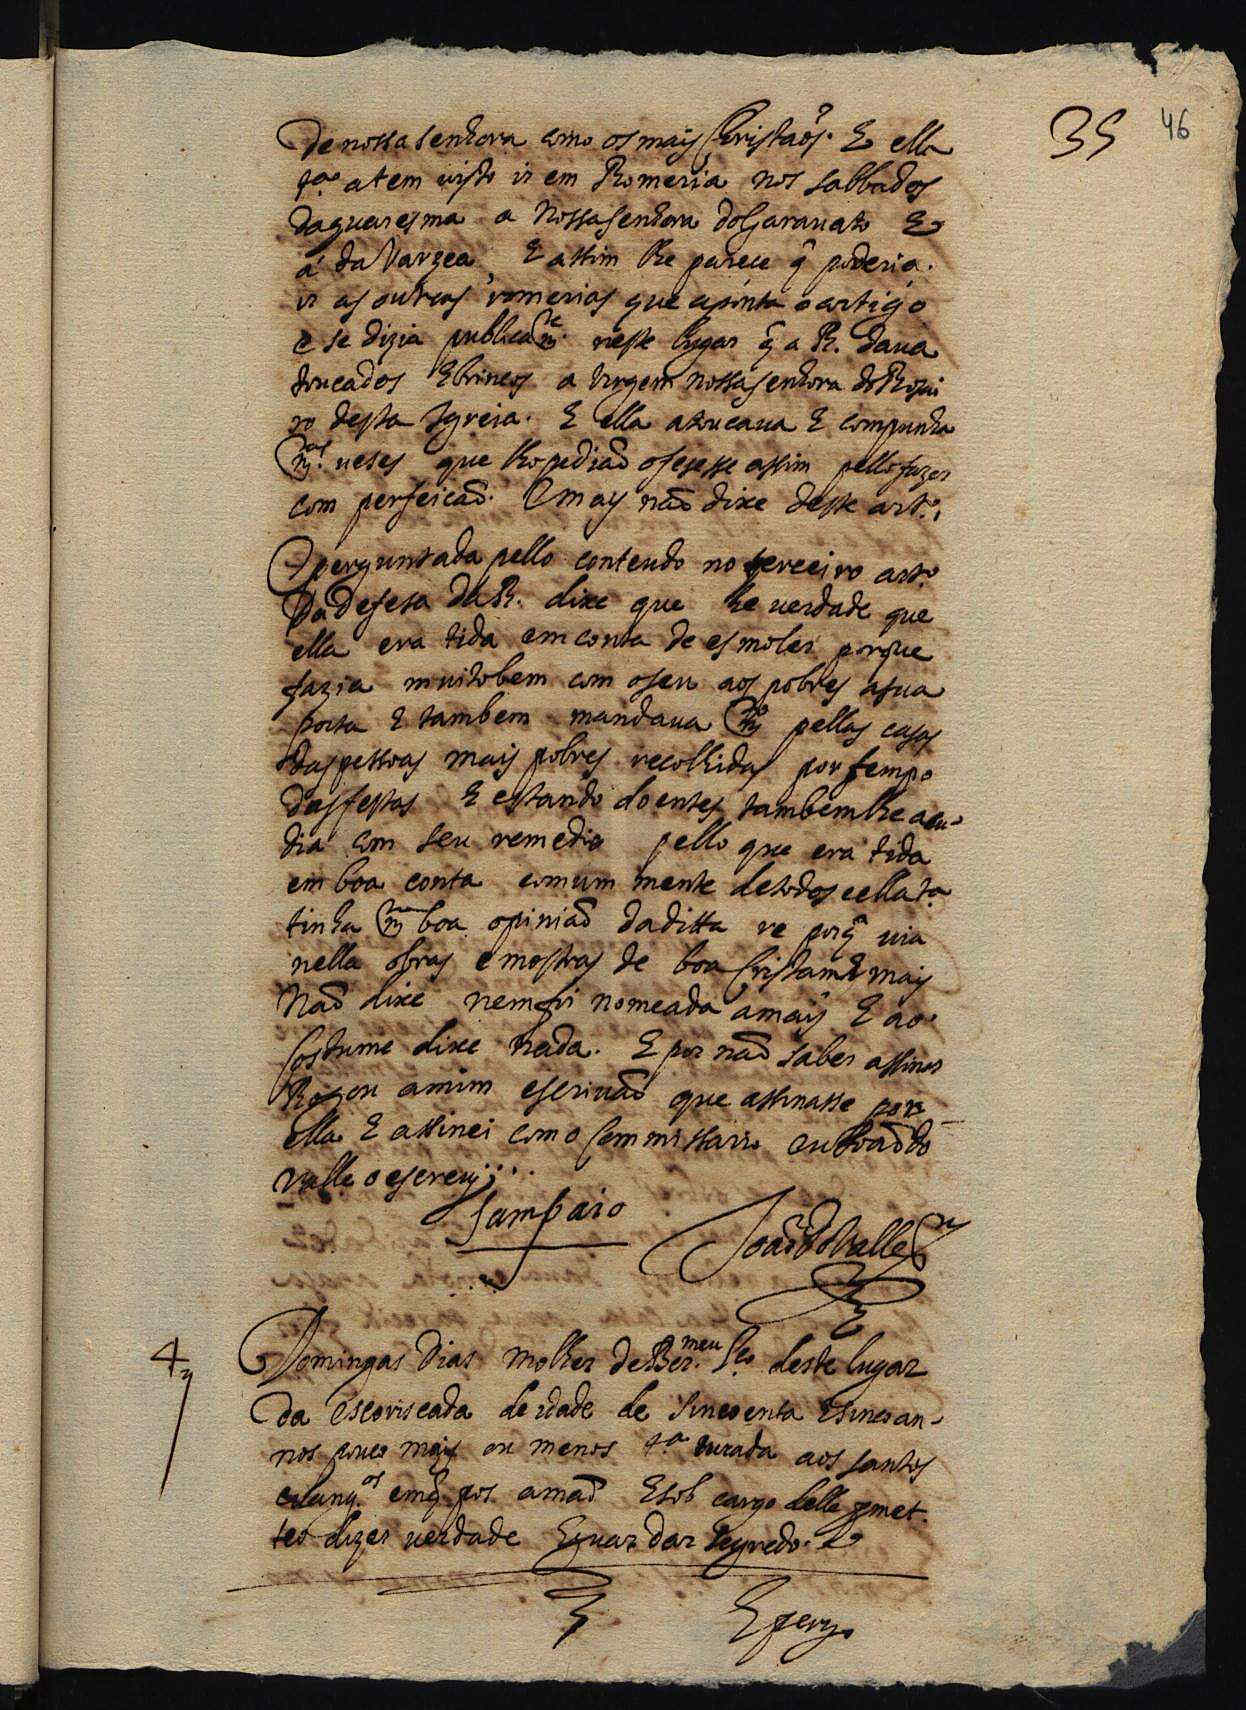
de nossa senhora como os mais Christaõs. E ella
t.a a tem uisto ir em Romeria nos sabbados
da quaresma a nossa senhora do Garauato E
á da Varzea, E assim lhe parece q̄ poderia
ir as outras romerias que aponta o artigo
e se dizia publicamte. neste lugar q̄ a R. daua
toucados E brincos a virgem nossa senhora do Rozai
ro desta Igreia. E ella a toucaua E compunha
mtas. ueses que lho pediaõ o fesesse assim pello fazer
com perfeiçaõ. E mais não dixe deste arto.
E perguntada pello conteudo no terceiro art.o
da defesa da R. dixe que he uerdade que
ella era tida em conta de esmolas porque
fazia muito bem com o seu aos pobres a sua
porta E tambem mandaua mto pellas casas
das pessoas mais pobres recolhidas por tempo
das festas E estando doentes tambem lhe acu
dia com seu remedio pello que era tida
em boa conta comummente de todos e ella t.a
tinha mta boa opiniaõ da ditta re porqe uia
nella obras e mostras de boa Cristam E mais
não dixe, nem foi nomeada a mais E ao
Costume dixe nada. E por não saber assinar
Rogou a mim escriuão que assinasse por
ella E assinei com o Commissario eu Ioaõ do
valle o escreuj.
sampaio
Joaõ do Valle
Domingas dias molher de Ber.meu L.ço deste lugar
da escoriscada de idade de sincoenta E sinco an
nos pouco mais ou menos t.a jurada aos santos
euang.os em q̄ pos a maõ E sob cargo delle ꝓmet.
teo dizer uerdade E guardar segredo. E
E pergo
